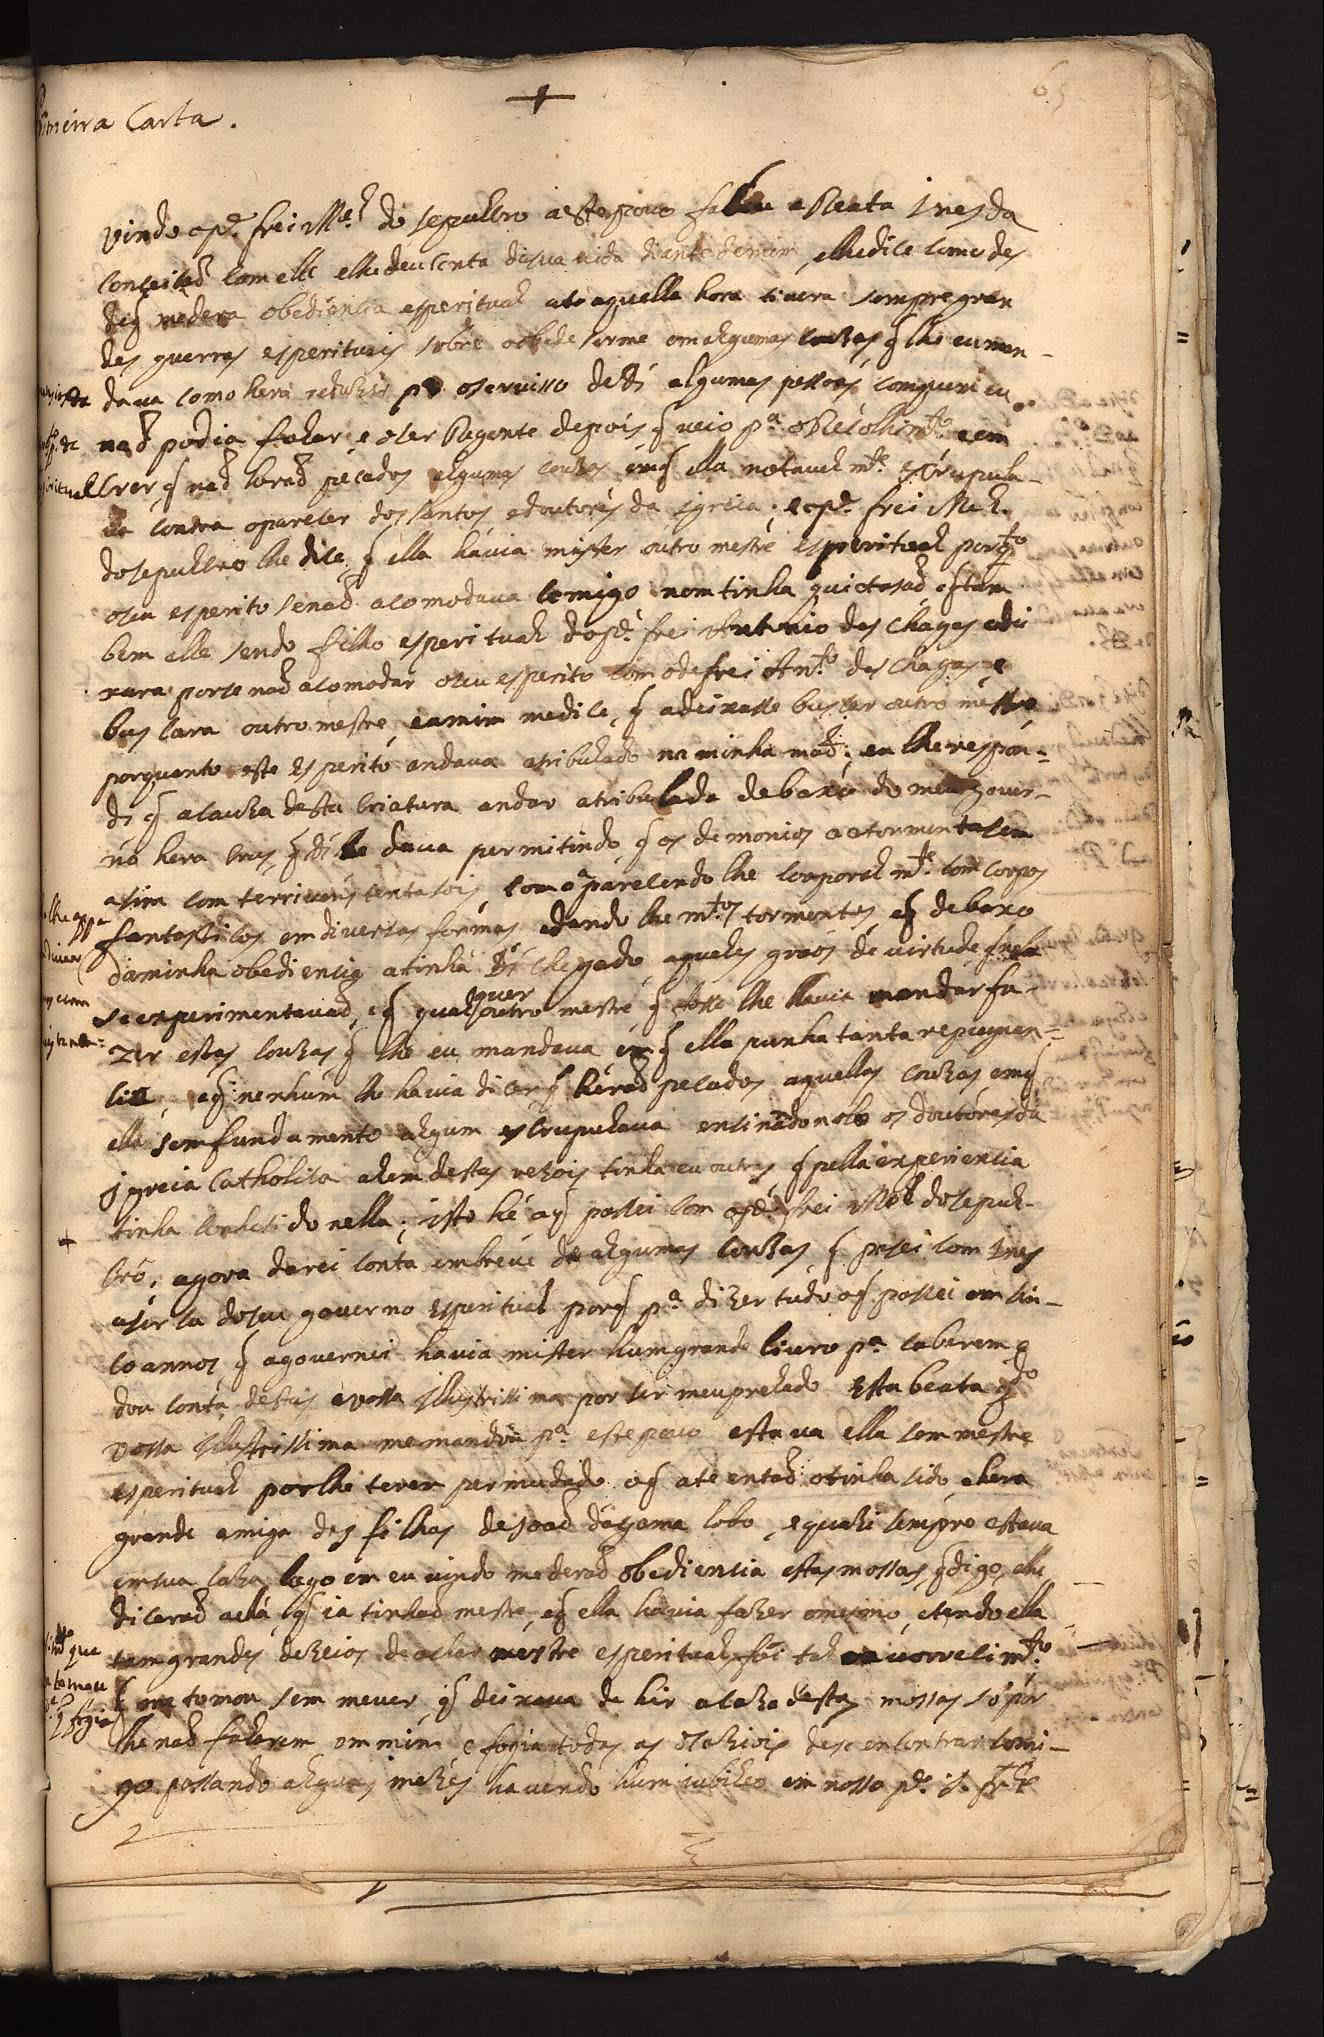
rimeira Carta
Vindo o pe frei M.el do Sepultro a este pouo falar a Beata Ines da
Conceiçaõ com elle e lhe deu conta de sua uida diante de mim, e lhe dice como des
de q̄ me dera obediencia esperitual ate aquella hora tiuera sempre gran
des guerras esperituais sobre o obedeserme em algumas couzas, q̄ lhe eu man
daua como hera reduzir p.a o seruisso de Ds̄ algumas pessoas com quem eu
naõ podia falar, e o ser Regente depois q̄ ueio p.a o Recolhim.to, e em
crer q̄ naõ heraõ pecados algumas couzas em q̄ ella notauelm.te escrupula
ua contra o parecer dos santos e doutores da Igreia; e o p.e frei Mel
do sepulcro lhe dice, q̄ ella hauia mister outro mestre esperitual porqto
o seu esperito se naõ acomodaua comigo, nem tinha quietasaõ, e q̄ tam
bem elle sendo filho esperitual do p.e frei Antonio das Chagas o dei
xara por se naõ acomodar o seu esperito com o de frei An.to das Chagas, e
buscara outro mestre, e a mim me dice, q̄ a deixasse buscar outro mestre,
porquanto este Esperito andaua atribulado na minha maõ; eu lhe respon
di q̄ a cauza desta Criatura andar atribulada debaxo do meu gouer
no hera crus, q̄ Ds̄ lhe daua permitindo, q̄ os demonios, a atormentasem
asim com terriuens tentasois, como aparecendo lhe corporalm.te com corpos
fantasticos em diuersas formas, e dando lhe m.tos tormentos, e q̄ debaxo
lhe app
da minha obediencia a tinha Ds̄ chegado aqueles graos de uirtude q̄ nela
se experimentauaõ, e q̄ qual
outro mestre q̄ fosse lhe hauia mandar fa
quer
zer estas couzas q̄ lhe eu mandaua, em q̄ ella punha tanta repugnan
cia, e q̄ nenhum lhe hauia dicer q̄ heraõ pecados aquellas couzas em q̄
ella sem fundamento algum escrupulaua ensinadonolo os doutores da
jgreia Catholica, alem destas rezois tinha ou outras q̄ pella experiencia
tinha conhesido nella; isto hé o q̄ passei com o p.e frei Mel do sepul
Cro, agora darei conta em breue de algumas couzas, q̄ pasei com Jnes
aserca do seu gouerno Esperitual porq̄ p.a dizer tudo o q̄ passei em sin
co annos q̄ a gouernei hauia mister hum grande liuro p.a caberem, e
dou conta destas a vossa Illustrissima por ser meu prelado Esta beata q̄do
Vossa Illustrissima me mandou p.a este pouo estaua ella sem mestre
esperitual por lhe terem permudado, o q̄ ate entaõ o tinha sido, e hera
grande amiga das filhas de joaõ da gama lobo, e quazi sempre estaua
em sua caza, logo em eu uindo me deraõ obediencia estas mossas, q̄ digo, e lhe
diceraõ a ella, q̄ ia tinhaõ mestre, e q̄ ella hauia fazer o mesmo, e tendo ella
imto que
tam grandes dezeios de achar mestre esperitual, foi tal o auorrecim.to
a tomou
q̄ me tomou sem me uer, q̄ deixaua de hir a caza destas mossas só por
q̄ fogi
lhe naõ falarem em mim, e fogia todas as ocaziois de se encontrar comi
go passando alguns mezes hauendo hum iubileo em nosso p.e S. frco
